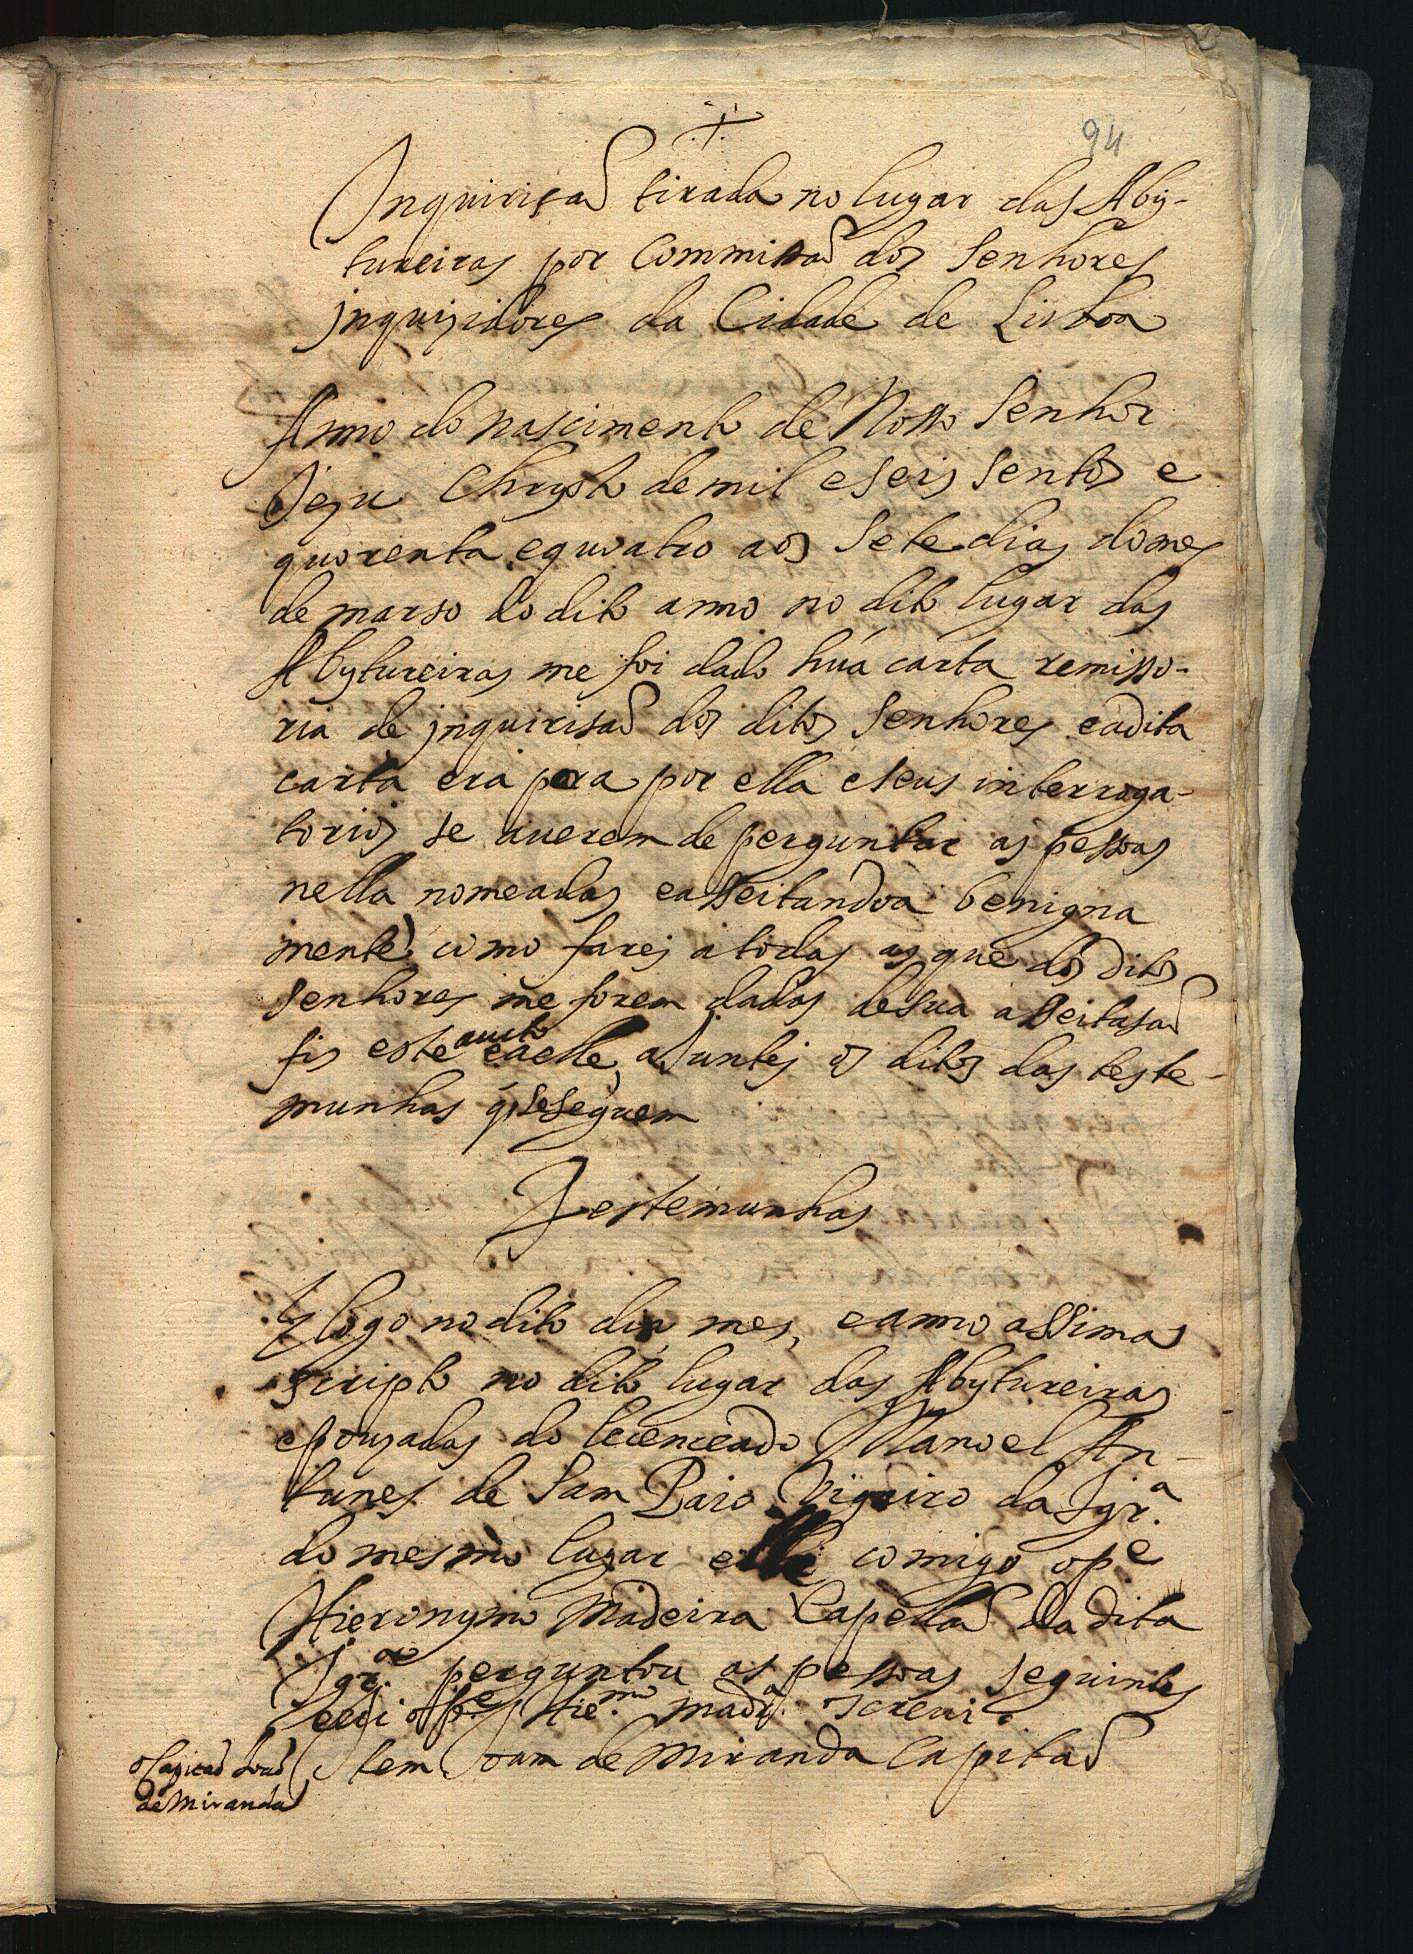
Inquisisaõ tirada no lugar das Aby
tureiras por commissaõ dos Senhores
jnquizidores da Cidade de Lisboa
Anno do nascimento de Nosso Senhor
Iezu Christo de mil e seissentos e
quorenta e quoatro aos sete dias do mes
de marso do dito anno no dito lugar das
Abytureiras me foi dado huā carta remisso
ria de jnquirisaõ dos ditos Senhores e a dita
carta era pera por ella e seus interroga
torios se auerem de perguntar as pessoas
nella nomeadas e asseitandoa benigna
mente como farej a todas as que dos ditos
senhores me forem dadas de sua asseitasaõ
fiz este
aucto
e a elle, aIuntej os ditos das teste
munhas q̄ se seguem
Testemunhas
E logo no dito dia, mes, e anno assima
escripto no dito lugar das Abytureiras
e pouzadas do lecenceado Manoel An
tunes de Sam Paio Vigairo da Igr.a
do mesmo lugar elle comigo o p.e
Hieronymo madeira Capellaõ da dita
Igr.a perguntou as pessoas seguintes
e eu o p.e Hie.mo madr.a screui
Item Ioam de miranda Capitaõ
o Capitaõ Ioaõ
de Miranda
